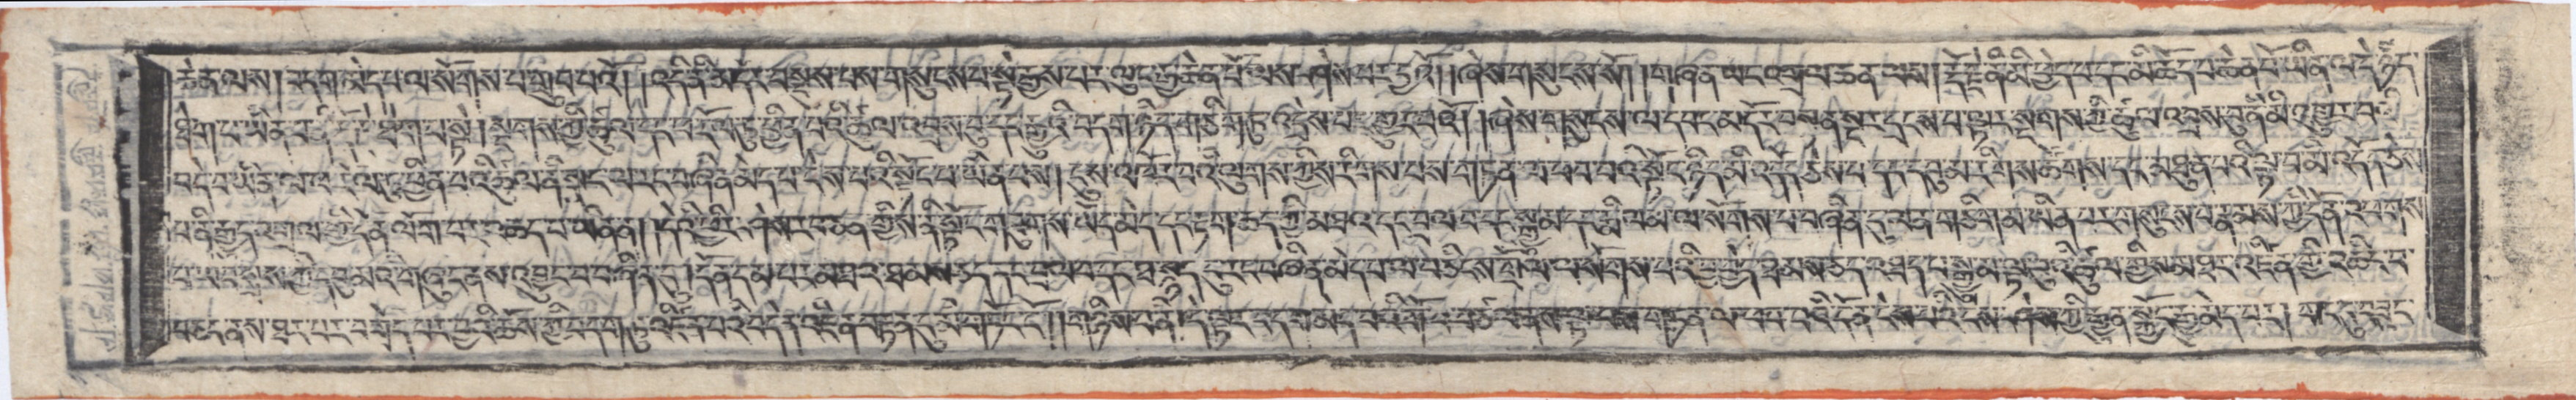ཆེན་ལས། བདག་མེད་པ་ལ་སོགས་པ་གྲུབ་པའོ། །འདི་ནི་མདོར་བསྡུས་པས་གསུངས་པ་སྟེ་རྒྱས་པར་ལུང་རྒྱ་ཆེན་པོ་ལས་ཤེས་པར་བྱའོ། །ཞེས་གསུངས་སོ། །གཞན་ཡང་འགྲེལ་ཆེན་ལས། རྡོ་རྗེ་ནི་མི་ཕྱེད་པ་དང་མི་ཆོད་པ་ཆེན་པོ་ཡིན་ལ་དེ་ཉིད་
ཐེག་པ་ཡིན་པ་ནི་རྡོ་རྗེ་ཐེག་པ་སྟེ། སྔགས་ཀྱི་ཚུལ་དང་ཕ་རོལ་ཏུ་ཕྱིན་པའི་ཚུལ་འབྲས་བུ་དང་རྒྱུའི་བདག་ཉིད་གཅིག་ཏུ་འདྲེས་པར་གྱུར་པའོ། །ཞེས་གསུངས་ལ་དབང་མདོར་བསྟན་སྔར་དྲངས་པ་ལྟར་སྔགས་ཀྱི་ཚུལ་འབྲས་བུ་ནི་མི་འགྱུར་བའི་
བདེ་བ་ཡིན་ལ་ཕ་རོལ་ཏུ་ཕྱིན་པའི་ཚུལ་ནི་སྣང་ལ་རང་བཞིན་མེད་པ་ངེས་པའི་སྟོང་པ་ཡིན་པས། དུས་འཁོར་བའི་ལུགས་ཀྱིས་རིགས་པས་གཏན་ལ་ཕབ་པའི་སྟོང་ཉིད་མི་འདོད་ཅེས་པ་དང་དབུ་མ་རིགས་ཚོགས་དང་མཐུན་པའི་ལྟ་བ་མི་འདོད་ཅེས་
པ་ནི་རྒྱུད་འགྲེལ་གྱི་དོན་ལོག་པར་འཆད་པ་ཡིན་ན། །དེའི་ཕྱིར་ཤེས་རབ་ཅན་གྱིས་ནི་སྟོང་གཟུགས་ཡོད་མེད་དང་རྟག་ཆད་ཀྱི་མཐའ་དང་བྲལ་བ་དང་སྒྱུ་མ་དང་རྨི་ལམ་ལ་སོགས་པ་བཞིན་དུ་ལན་གཅིག་མ་ཡིན་པར་གསུངས་པ་རྣམས་ཀྱི་དོན་འཕགས་
པ་ཡབ་སྲས་ཀྱི་དབུ་མའི་གཞུང་ནས་འབྱུང་བ་བཞིན་དུ། དོན་དམ་པར་མཐའ་ཐམས་ཅད་དང་བྲལ་བ་དང་ཐ་སྙད་དུ་རང་བཞིན་མེད་པ་ལ་བཅིངས་གྲོལ་ལ་སོགས་པའི་བྱ་བྱེད་ཐམས་ཅད་འཐད་པ་སྒྱུ་མ་ལྟ་བུའི་ཚུལ་གྱིས་མཐར་འཛིན་གྱི་འཆིང་བ་
བཅད་ནས་ཐར་པར་བགྲོད་པར་བྱའི་ཆོས་ཀྱི་བདག་ཏུ་འཛིན་པའི་བདེན་འཛིན་བརྟན་དུ་མི་གཏོང་ངོ། །གཉིས་པ་ནི། དེ་ལྟར་བདག་མེད་པའི་གོ་བ་བཙལ་ནས་ལྟ་བས་གཏན་ལ་ཕབ་པའི་དོན་ངེས་པའི་ངེས་ཤེས་ཀྱི་རྒྱུན་སྐྱོང་རྒྱུ་མེད་པར། གང་དུ་བཟུང་